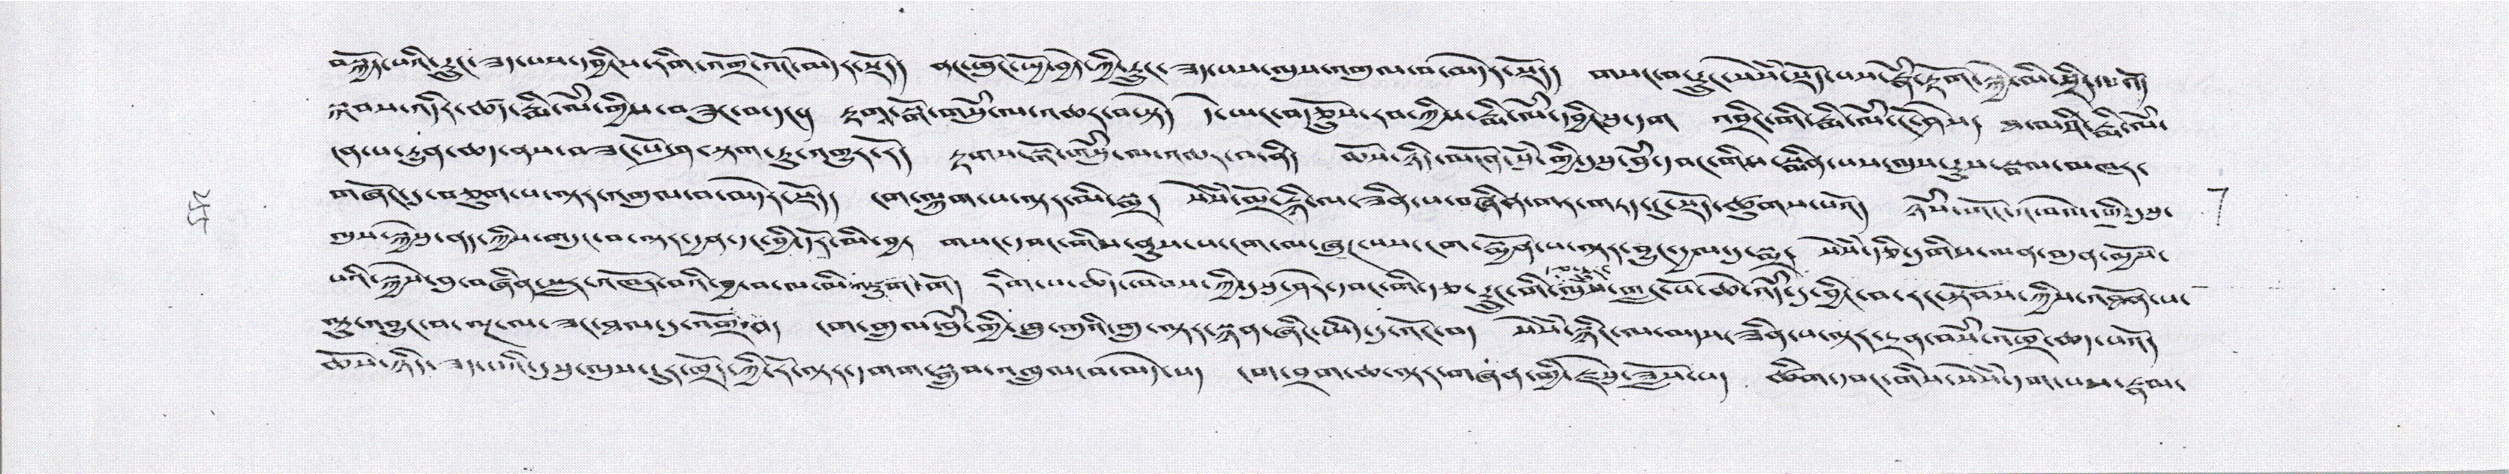བསྐྱོད་པའི་རླུང་ཟད་པས་དབྱིངས་རིག་འགྲོ་འོང་མེད་པར་སྡོད། ནང་ཕུང་པོ་གཡོ་བྱེད་ཀྱི་རླུང་ཟད་པས་ལུས་འགུལ་བ་མེད་པར་སྡོད། གསང་བ་རླུང་སེམས་སྡོད་པས་རྣམ་རྟོག་སྐྱེ་མི་སྲིད་པའོ། 
སྐབས་འདིར་ཚད་རྨི་ལམ་གྱིས་བཟུང་བ་དང། རྟགས་སྒོ་གསུམ་ལ་འཆར་བ་སྟེ། དེ་ཡང་བརྩོན་འགྲུས་རབ་ཀྱིས་རྨི་ལམ་དབྱིངས་སུ་དག འབྲིང་གི་རྨི་ལམ་ངོ་ཤེས། ཐ་མའི་རྨི་ལམ་
ངན་པ་རྒྱུན་ཆད་ནས་བཟང་པོ་ཤ་སྟག་ཏུ་འགྱུར་རོ། རྟགས་སྒོ་གསུམ་ལ་འཆར་བ་ནི། ཆོས་ཉིད་མངོན་སུམ་གྱི་དུས་སུ་བུམ་དབང་གིས་སྨིན་པས་ལུས་རུས་སྦལ་མཁར་
གཞོང་དུ་བཅུག་པ་ལྟར་འགུལ་བ་མེད་པར་སྡོད། ངག་ལྐུག་པ་ལྟར་མི་སྨྲ། སེམས་མཁའ་འགྲོ་རྙི་ལ་ཟིན་པ་བཞིན་གར་གཏད་དུ་སྡོད་ཚུགས་པའོ། ཉམས་གོང་འཕེལ་གྱི་དུས་སུ་
ལུས་སྐྱེས་སུ་ནད་ཀྱིས་གདུང་བ་ལྟར་རྒྱན་དང་བྱི་དོར་མི་བྱ། གསང་དབང་གིས་ནུས་པ་ངག་ལ་ཞུགས་པས་ངག་སྨྱོན་པ་ལྟར་བྱུང་རྒྱལ་དུ་སྨྲ། སེམས་རྩི་དུག་གིས་ལན་བདུན་མྱོས་
པའི་སྐྱེས་བུ་བཞིན་སླར་འཁོར་བའི་བྱ་བ་ལ་མི་འཇུག་གོ། རིག་པ་ཚད་ཕེབས་ཀྱི་དུས་སུ་ཤེར་དབང་གི་རྩ་རླུང་གི་རྩ་ལྟར་ལུས་གླང་པོ་ཆེ་འདམ་དུ་བྱིང་བ་རང་སྟོབས་ཀྱིས་འཐོན་པ་
ལྟ་བུ་འབྱུང་བ་ལྔ་ལ་ཟང་ཐལ་དུ་འགྲོ་བ། ངག་གྲུལ་བུམ་གྱི་ཕྲུ་གུའི་གྲུ་ལྟར་སྙན་ཞིང་ཡིད་དུ་འོང་བ། སེམས་སྙིང་ལ་འདས་ཟིན་པ་ལྟར་དྲན་བསམ་འཕྲོ་ཆད་པའོ། 
ཆོས་ཉིད་ཟད་པའི་དུས་སུ་ལུས་དུར་ཁྲོད་ཀྱི་རོ་ལྟར་དགག་སྒྲུབ་འཁྲུལ་བ་མེད་པ། ངག་བྲག་ཆ་ལྟར་གཞན་གྱི་རྗེས་སུ་ཟློས་པ། ཚིག་དབང་གིས་སེམས་དག་པས་རྣམ་